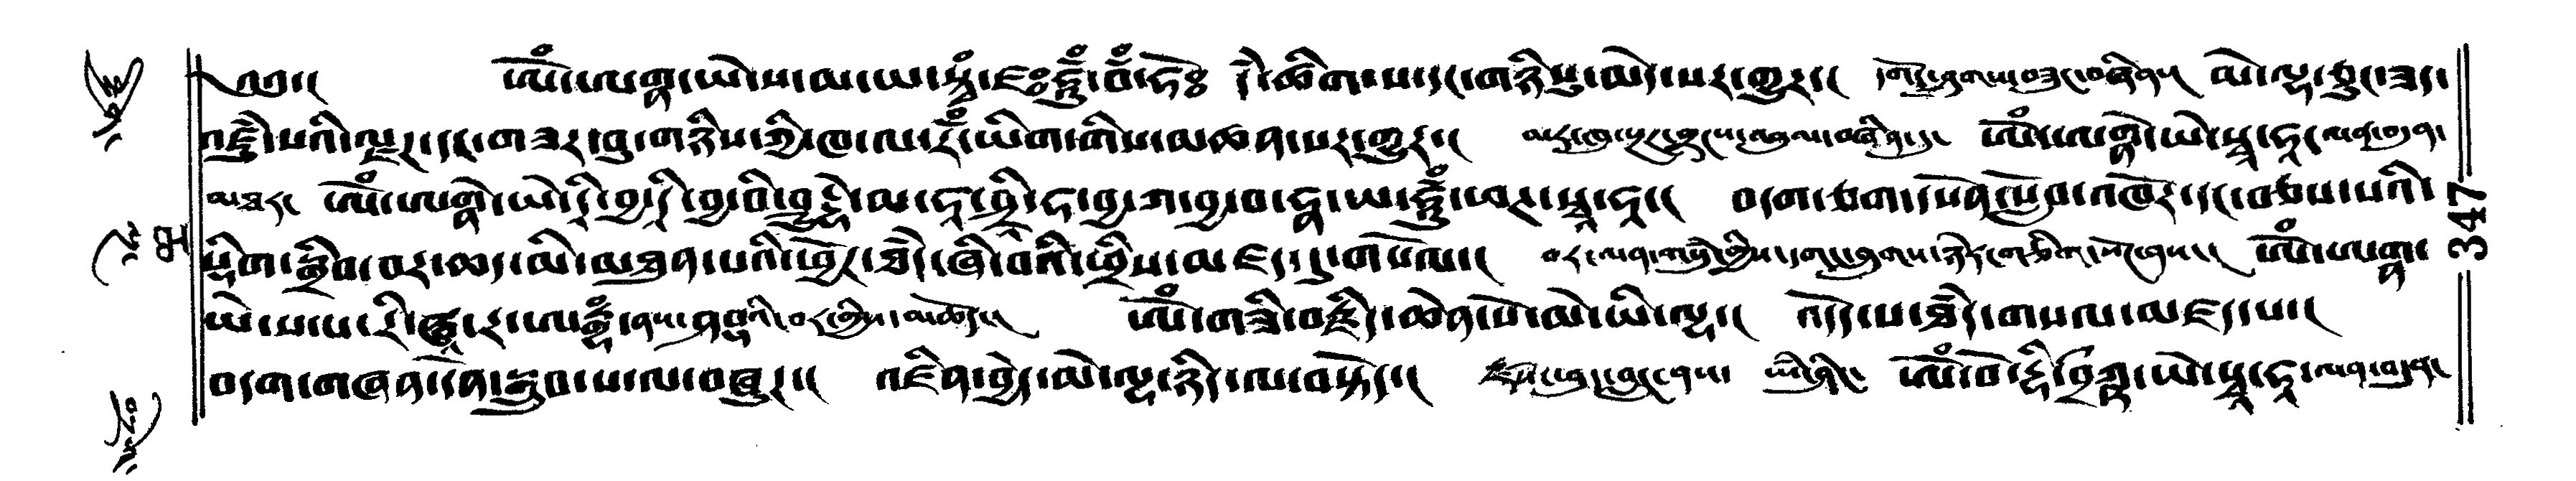ཨོཾ་ཨགྣ་ཡེ་ས་མ་ཡ་སྟྭཾ། ཛཿཧཱུྃ་བྃ་ཧོཿ དམ་ཚིག་པ་དང་གཉིས་སུ་མེད་པར་གྱུར། དགང་བླུགས་བཟུང་བཞིན། མེ་ལྷ་ཅུང་ཟད་
འཛུམ་པའི་ལྗགས་དང་གཟར་བུ་གཉིས་ཀྱི་ཁ་ལ་རྃ་ཡིག་གིས་མཚན་པར་གྱུར། མར་ཁུ་སྔགས་གྲངས་འབུལ་བཞིན་དུ། ཨོཾ་ཨགྣེ་ཡེ་སྭཱ་ཧཱ། ལན་བདུན་
མཐར། ཨོཾ་ཨགྣེ་ཡེ་དཱི་བྱ་དཱི་བྱ་བི་ཤུདྡྷེ་མ་ཧཱ་ཤྲཱི་ཧ་བྱ་ཀ་བྱ་བ་ཧ་ན་ཡ་ཧཱུྃ་ཕཊ་སྭཱ་ཧཱ། བདག་ཅག་དཔོན་སློབ་འཁོར་དང་བཅས་པའི་
སྡིག་སྒྲིབ་བར་ཆད་མི་མཐུན་པའི་ཕྱོགས་ཐམས་ཅད་ཞི་བའི་ཕྲིན་ལས་མཛད་དུ་གསོལ། བར་ལན་གསུམ་གྱིས་དགང་བླུགས་ཉེར་གཅིག་སོང་ནས། ཨོཾ་ཨགྣ་
ཡེ་ས་པཱ་རི་ཝཱ་ར་ཨརྒྷཾ་ནས་ཤབྡ འི་བར་གྱིས་མཆོད། ཨོཾ། གཟི་བརྗིད་ཆེན་པོ་མེ་ཡི་ལྷ། །འདོད་པ་ཐམས་ཅད་གསལ་མཛད་པ། །
བདག་གཞན་དོན་སྒྲུབ་པ་ལ་བཞུགས། །འཛིན་བྱེད་མེ་ལྷ་ཉིད་ལ་བསྟོད། རྫས་ཕུད་བླང་ནས། ཡམ་ཤིང་། ཨོཾ་བོ་དྷི་བྲིཀྵ་ཡེ་སྭཱ་ཧཱ། ལན་བདུན་